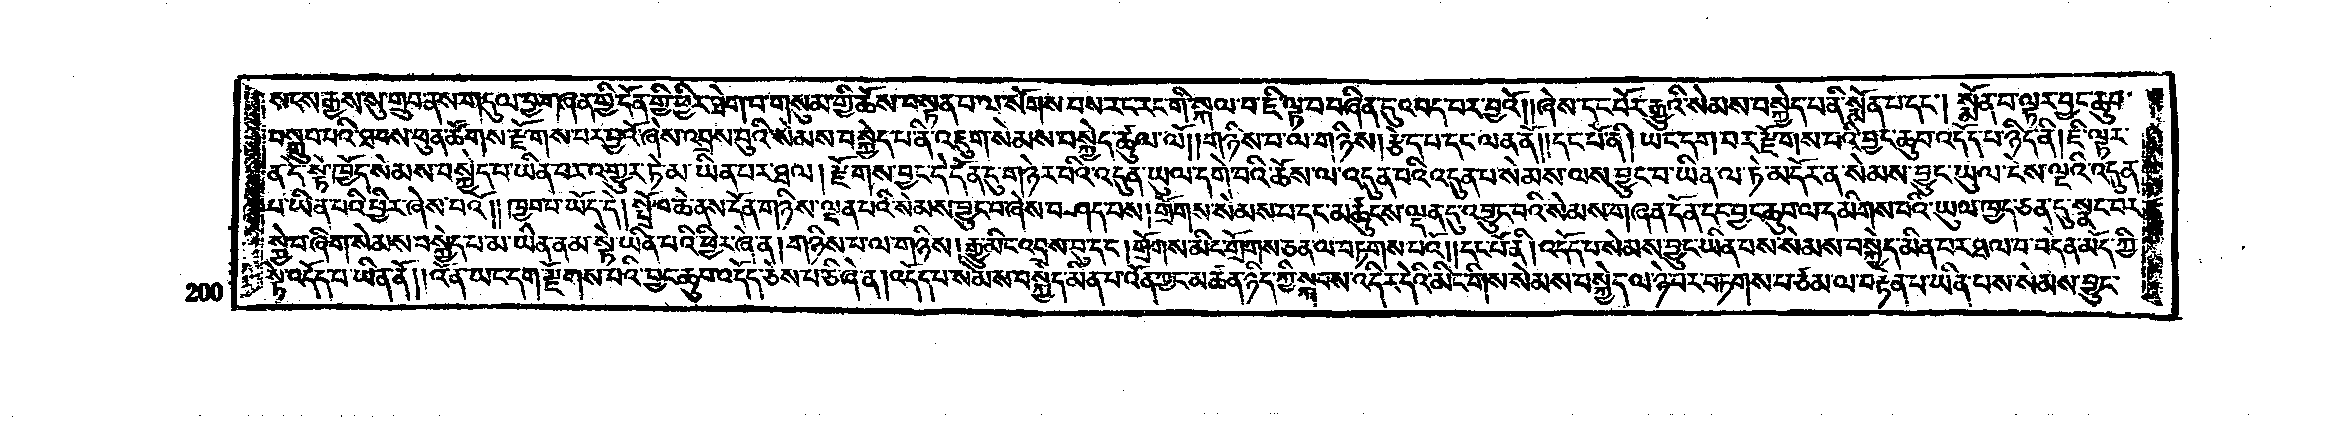སངས་རྒྱས་སུ་གྲུབ་ནས་གདུལ་བྱ་གཞན་གྱི་དོན་གྱི་ཕྱིར་ཐེག་པ་གསུམ་གྱི་ཆོས་བསྟན་པ་ལ་སོགས་པས་རང་རང་གི་སྐལ་བ་ཇི་ལྟ་བ་བཞིན་དུ་འབད་པར་བྱའོ། །ཞེས་དང་པོར་རྒྱུའི་སེམས་བསྐྱེད་པ་ནི་སྨོན་པ་དང་། སྨོན་པ་ལྟར་བྱང་ཆུབ་
བསྒྲུབ་པའི་ཐབས་ཕུན་ཚོགས་རྫོགས་པར་བྱའོ་ཞེས་འབྲས་བུའི་སེམས་བསྐྱེད་པ་ནི་འཇུག་སེམས་བསྐྱེད་ཚུལ་ལོ། །གཉིས་པ་ལ་གཉིས། རྩོད་པ་དང་ལན་ནོ། །དང་པོ་ནི། ཡང་དག་པར་རྫོགས་པའི་བྱང་ཆུབ་འདོད་པ་ནི། ཇི་ལྟར་
ན་དེ་སྟེ་ཁྱོད་སེམས་བསྐྱེད་པ་ཡིན་པར་འགྱུར་ཏེ་མ་ཡིན་པར་ཐལ། རྫོགས་བྱང་དེ་དོན་དུ་གཉེར་བའི་འདུན་ཡུལ་དགེ་བའི་ཆོས་ལ་འདུན་པའི་འདུན་པ་སེམས་ལས་བྱུང་བ་ཡིན་ལ་ཏེ་མདོར་ན་སེམས་བྱུང་ཡུལ་ངེས་ལྔའི་འདུན་
པ་ཡིན་པའི་ཕྱིར་ཞེས་པའོ། །ཁྱབ་པ་ཡོད་དེ། སྤྲོ་བ་ཆེ་ནས་དོན་གཉིས་ལྡན་པའི་སེམས་བྱུང་བ་ཞེས་བཤད་པས། གྲོགས་སེམས་པ་དང་མཚུངས་ལྡན་དུ་འབྱུང་བའི་སེམས་གཞན་དོན་དང་བྱང་ཆུབ་ལ་དམིགས་པའི་ཡུལ་ཁྱད་ཅན་དུ་སྣང་བར་
སྐྱེ་བ་ཞིག་སེམས་བསྐྱེད་པ་མ་ཡིན་ནམ་སྟེ་ཡིན་པའི་ཕྱིར་ཞེ་ན། གཉིས་པ་ལ་གཉིས། རྒྱུ་མིང་འབྲས་བུ་དང་། གྲོགས་མིང་གྲོགས་ཅན་ལ་བཏགས་པའོ། །དང་པོ་ནི། འདོད་པ་སེམས་བྱུང་ཡིན་པས་སེམས་བསྐྱེད་མིན་པར་ཐལ་བ་བདེན་མོད་ཀྱི་
སྟེ་འདོད་པ་ཡིན་ནོ། །འོ་ན་ཡང་དག་རྫོགས་པའི་བྱང་ཆུབ་འདོད་ཅེས་པ་ཅི་ཞེ་ན། འདོད་པ་སེམས་བསྐྱེད་མིན་པ་འོན་ཀྱང་མཚན་ཉིད་ཀྱི་སྐབས་འདིར་དེའི་མིང་གིས་སེམས་བསྐྱེད་ལ་ཉེ་བར་བཏགས་པ་ཙམ་ལ་བརྟེན་པ་ཡིན་པས་སེམས་བྱུང་